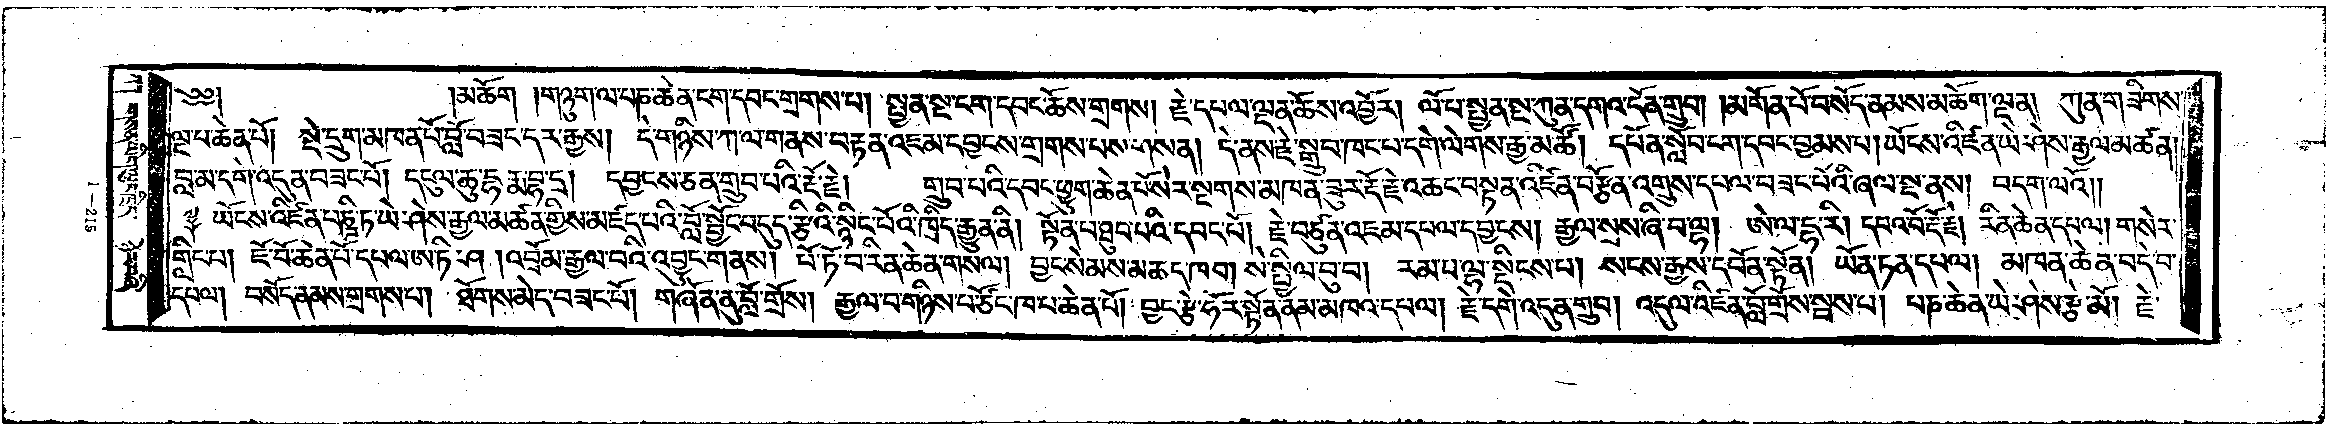༄༅། །མཆོག །གཉུག་ལ་པཎ་ཆེན་ངག་དབང་གྲགས་པ། སྤྱན་སྔ་ངག་དབང་ཆོས་གྲགས། རྗེ་དཔལ་ལྡན་ཆོས་འབྱོར། ལོ་པ་སྤྱན་སྔ་ཀུན་དགའ་དོན་གྲུབ། །མགོན་པོ་བསོད་ནམས་མཆོག་ལྡན། ཀུན་གཟིགས་
ལྔ་པ་ཆེན་པོ། སྡེ་དྲུག་མཁན་པོ་བློ་བཟང་དར་རྒྱས། དེ་གཉིས་ཀ་ལ་གནས་བརྟན་འཇམ་དབྱངས་གྲགས་པས་གསན། དེ་ནས་རྗེ་སྒྲུབ་ཁང་པ་དགེ་ལེགས་རྒྱ་མཚོ། དཔོན་སློབ་ངག་དབང་བྱམས་པ། ཡོངས་འཛིན་ཡེ་ཤེས་རྒྱལ་མཚན།
བླ་མ་དགེ་འདུན་བཟང་པོ། དངུལ་ཆུ་དྷརྨ་བྷ་དྲ། དབྱངས་ཅན་གྲུབ་པའི་རྡོ་རྗེ། གྲུབ་པའི་དབང་ཕྱུག་ཆེན་པོ་སེར་སྔགས་མཁན་ཟུར་རྡོ་རྗེ་འཆང་བསྟན་འཛིན་བརྩོན་འགྲུས་དཔལ་བཟང་པོའི་ཞལ་སྔ་ནས། བདག་ལའོ།།
འ་ཡོངས་འཛིན་པཎྜི་ཏ་ཡེ་ཤེས་རྒྱལ་མཚན་གྱིས་མཛད་པའི་བློ་སྦྱོང་བདུད་རྩིའི་སྙིང་པོའི་ཁྲིད་རྒྱུན་ནི། སྟོན་པ་ཐུབ་པའི་དབང་པོ། རྗེ་བཙུན་འཇམ་དཔལ་དབྱངས། རྒྱལ་སྲས་ཞི་བ་ལྷ། ཨེ་ལ་དྷ་རི། དབའ་བོ་རྡོ་རྗེ། རིན་ཆེན་དཔལ། གསེར་
གླིང་པ། ཇོ་བོ་ཆེན་པོ་དཔལ་ཨ་ཏི་ཤ་།འབྲོམ་རྒྱལ་བའི་འབྱུང་གནས། པོ་ཏོ་བ་རིན་ཆེན་གསལ། བྱང་སེམས་མཆད་ཁབ། སེ་སྤྱིལ་བུ་བ། རམ་པ་ལྷ་སྡིངས་པ། སངས་རྒྱས་དབོན་སྟོན། ཡོན་ཏན་དཔལ། མཁན་ཆེན་བདེ་བ་
དཔལ། བསོད་ནམས་གྲགས་པ། ཐོགས་མེད་བཟང་པོ། གཞོན་ནུ་བློ་གྲོས། རྒྱལ་བ་གཉིས་པ་ཙོང་ཁ་པ་ཆེན་པོ། བྱང་རྩེ་ཧོར་སྟོན་ནམ་མཁའ་དཔལ། རྗེ་དགེ་འདུན་གྲུབ། འདུལ་འཛིན་བློ་གྲོས་སྦས་པ། པཎ་ཆེན་ཡེ་ཤེས་རྩེ་མོ། རྗེ་